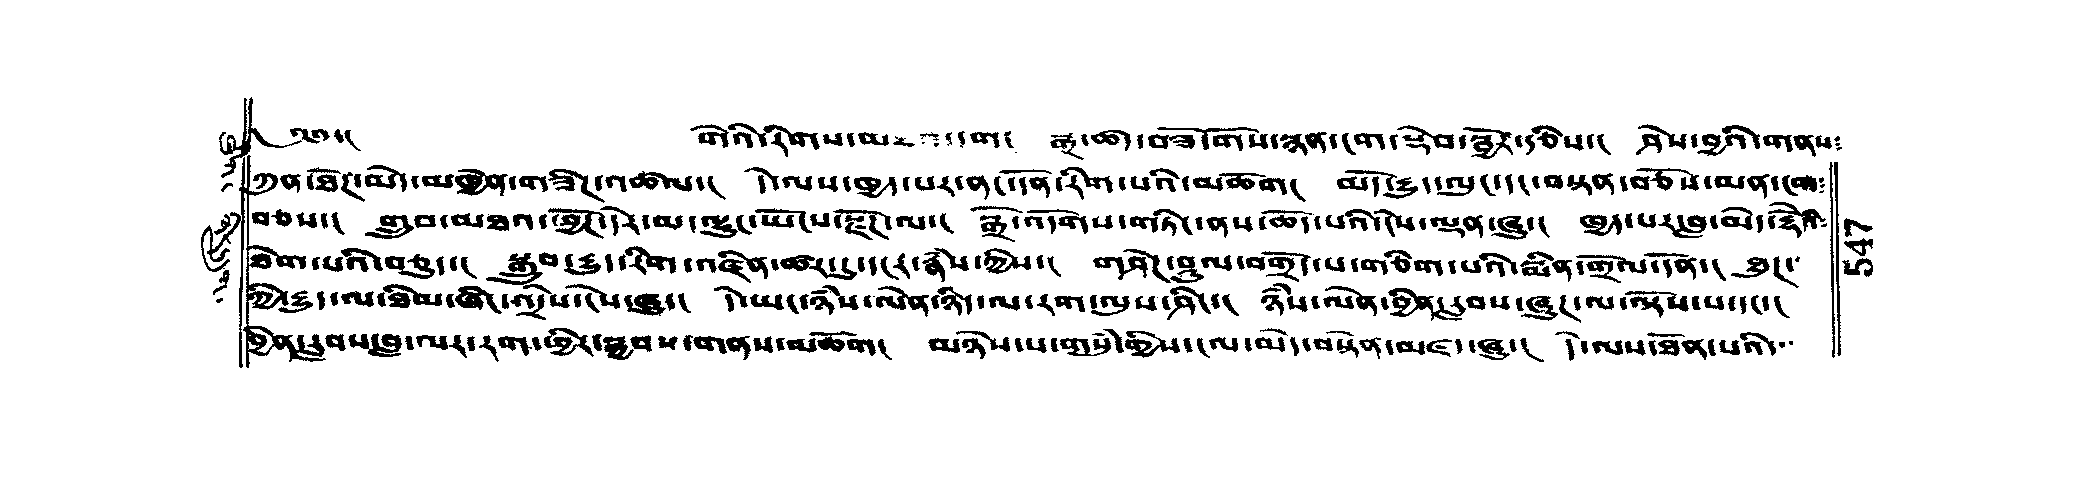གེའི་རིགས་མཐའ་དག །སྒྲ་ཚད་བཟོ་གསོ་སྙན་ངག་སྡེབ་སྦྱོར་རྩིས། །ཤེས་བྱའི་གནས་
ཀུན་ཐོགས་མེད་མཁྱེན་གཟིགས་འཚལ། །དེ་ལས་ཁྱད་པར་ནང་དོན་རིག་པའི་མཆོག །མདོ་རྒྱུད་ལུང་དང་བསྟན་བཅོས་མན་ངག་
བཅས། །གྲུབ་མཐའ་ཕྱོགས་རེར་མ་ལྷུང་ཡོངས་རྫོགས་ལ། །སྒྲོ་འདོགས་གཏིང་ནས་ཆོད་པའི་ངེས་ལྡན་ཞུ། །ཁྱད་པར་བླ་མེད་རྡོ་རྗེའི་
ཐེག་པའི་བཅུད། །སྒྲུབ་རྒྱུད་རིག་འཛིན་ཚར་དུ་དངར་རྣམས་ཀྱིས། །གཤེགས་ཤུལ་བགྲོད་པ་གཅིག་པའི་སྨིན་གྲོལ་དོན། །ཐུགས་
ཀྱི་རྒྱུད་ལ་ཐིམ་ཞིང་འདྲེས་ངེས་ཞུ། །དེ་ཡང་ཉམས་ལེན་ཉིད་ལ་རག་ལུས་ཤིང་། །ཉམས་ལེན་བྱིན་རླབས་ཞུགས་ལ་ལྟོས་པ་དང་། །
བྱིན་རླབས་བླ་མར་རག་ཕྱིར་སྐྱབས་གནས་མཆོག།མཉེས་པ་གསུམ་གྱིས་ངལ་མེད་བསྟེན་མཛད་ཞུ། །དེ་ལས་ཐོན་པའི་